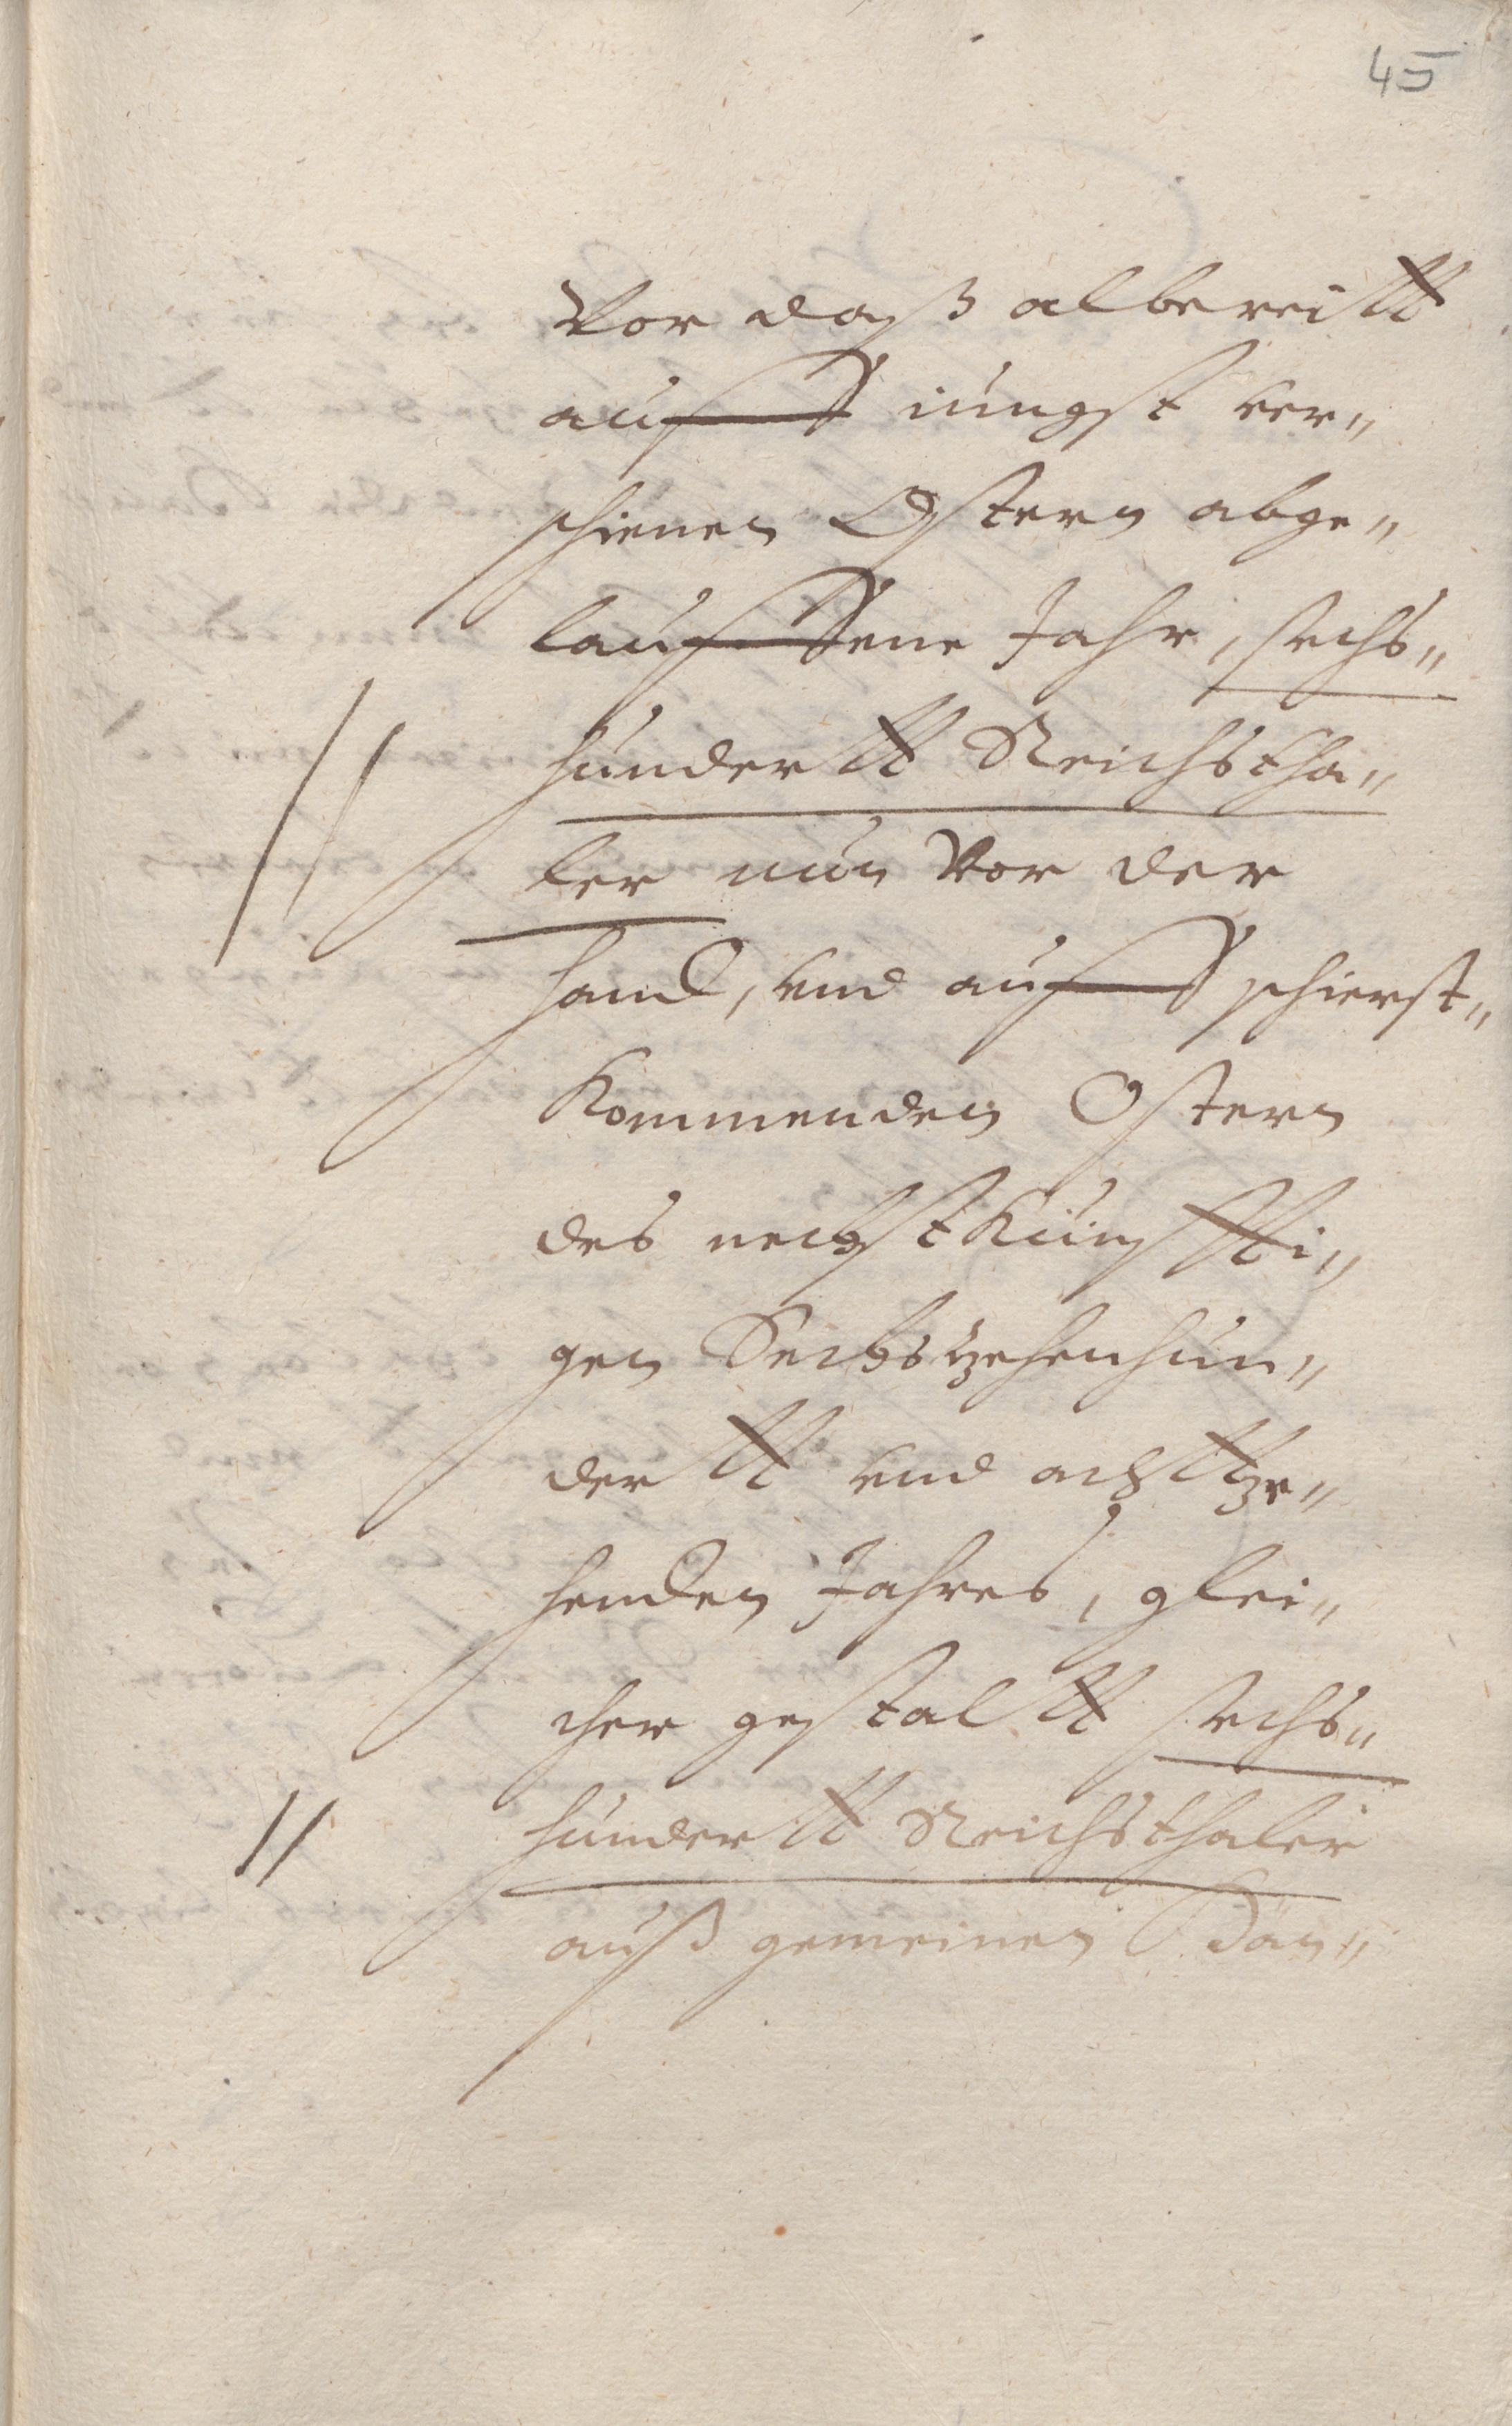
Vor daß albereitt
auff iungst ver¬
schienen Ostern abge¬
lauffene Iahr, sechs¬
hundertt Reichstha¬
ler nun vor der
hand, vnd auff schierst¬
kommenden Ostern
des nechstkunffti¬
gen Sechszehenhun¬
dertt vnd achttze¬
henden Jahres, glei¬
cher gestaltt sechs¬
hundertt Reichsthaler
auß gemeinen Hän¬
